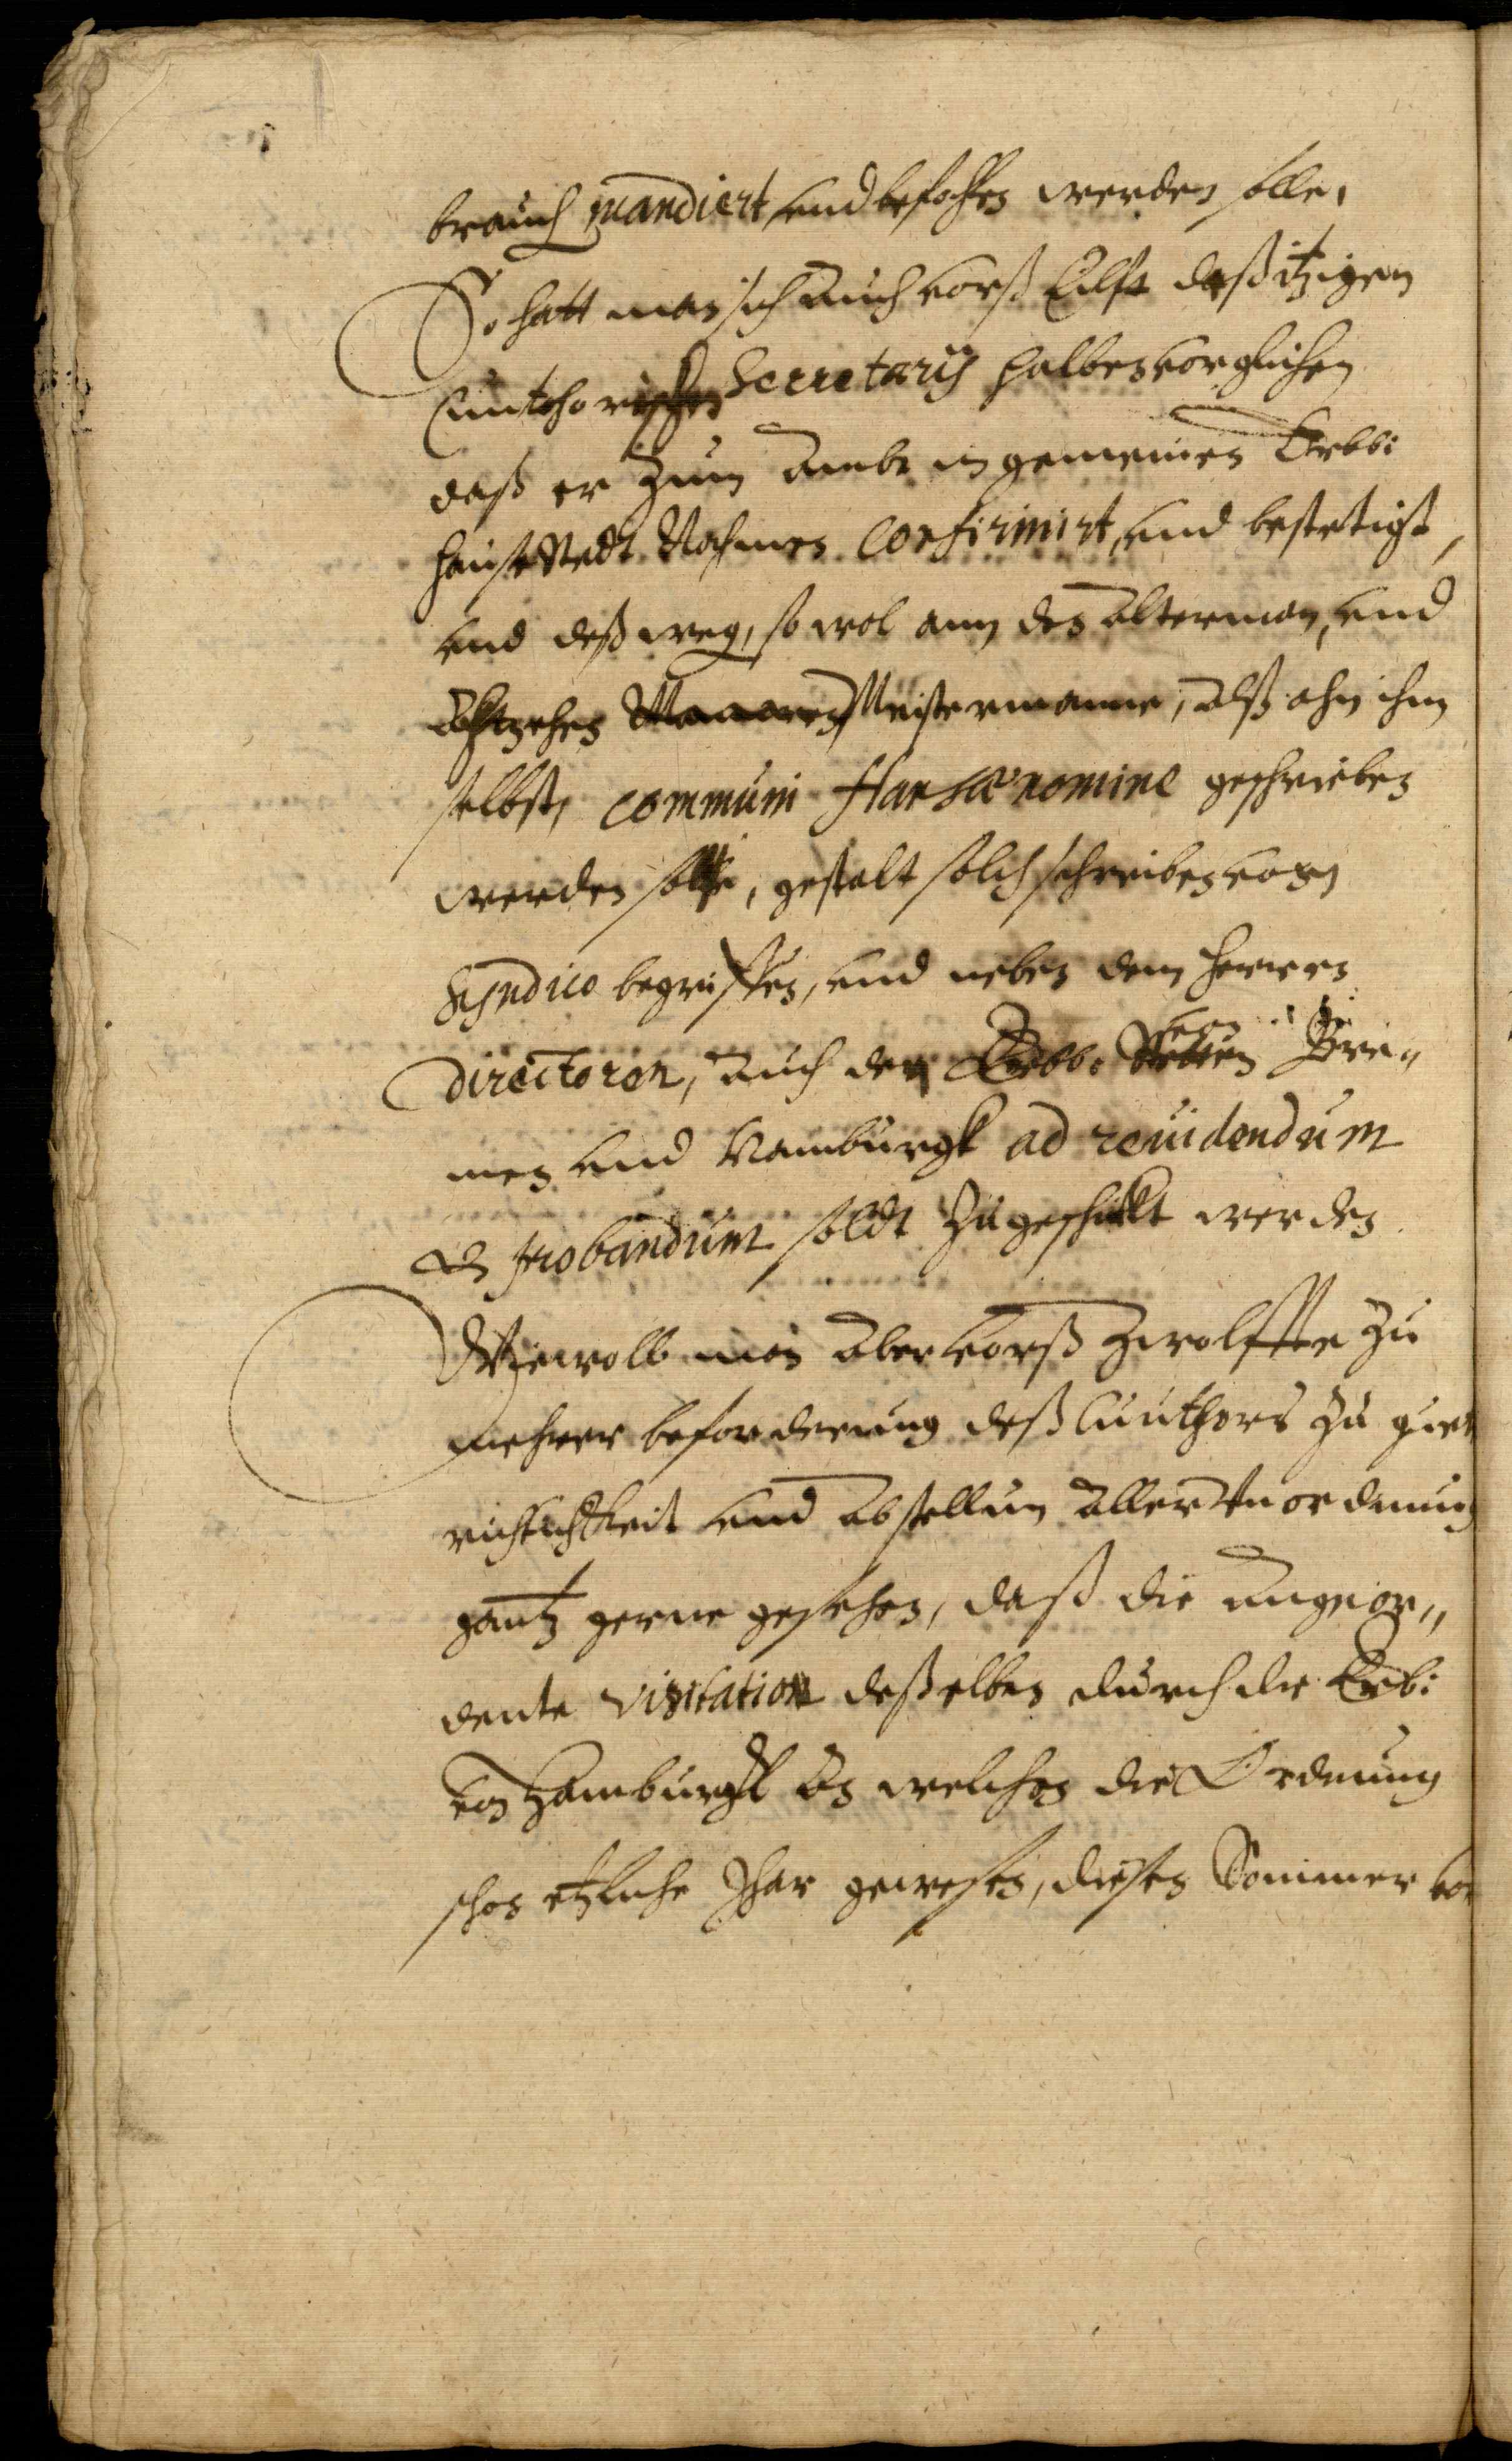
brauchen mandiert, vnd befohlen werden solle,
So hatt man sich Auch vorß Eilft deß itzigen
Cunthorischen Secretarij halben vorglichen
daß er zum Ambt in gemeinen Erbb:
hansestedt Nahmen confirmirt, vnd bestetigt,
vnd deßwegen, so wol ann den Alterman, vnd
Ahtzehen Mannen Meistermanne, Alß ahn ihn
selbst communi Hansae nomine geschrieben
werden solte, gestalt solch schreiben vom
Syndico begriffen, vnd neben denn herren
Directoren, Auch den Erbb: Stetten von Bre¬
men vnd Hamburgk ad reuidendum
& probandum soldt zugeschickt werden
Wiewoll man Aber vorß Zwolffte zu
mehrer beforderung deß Cunthors zu guet
richtichkeit vnd Abstellun Aller Vnordnung
gantz gerne gesehen, daß die Angeor¬
dente visitation deßelben durch die Erb:
von Hamburgk An welchen die Ordnung
schon etzliche Ihar gewesen, diesen Sommer vor
